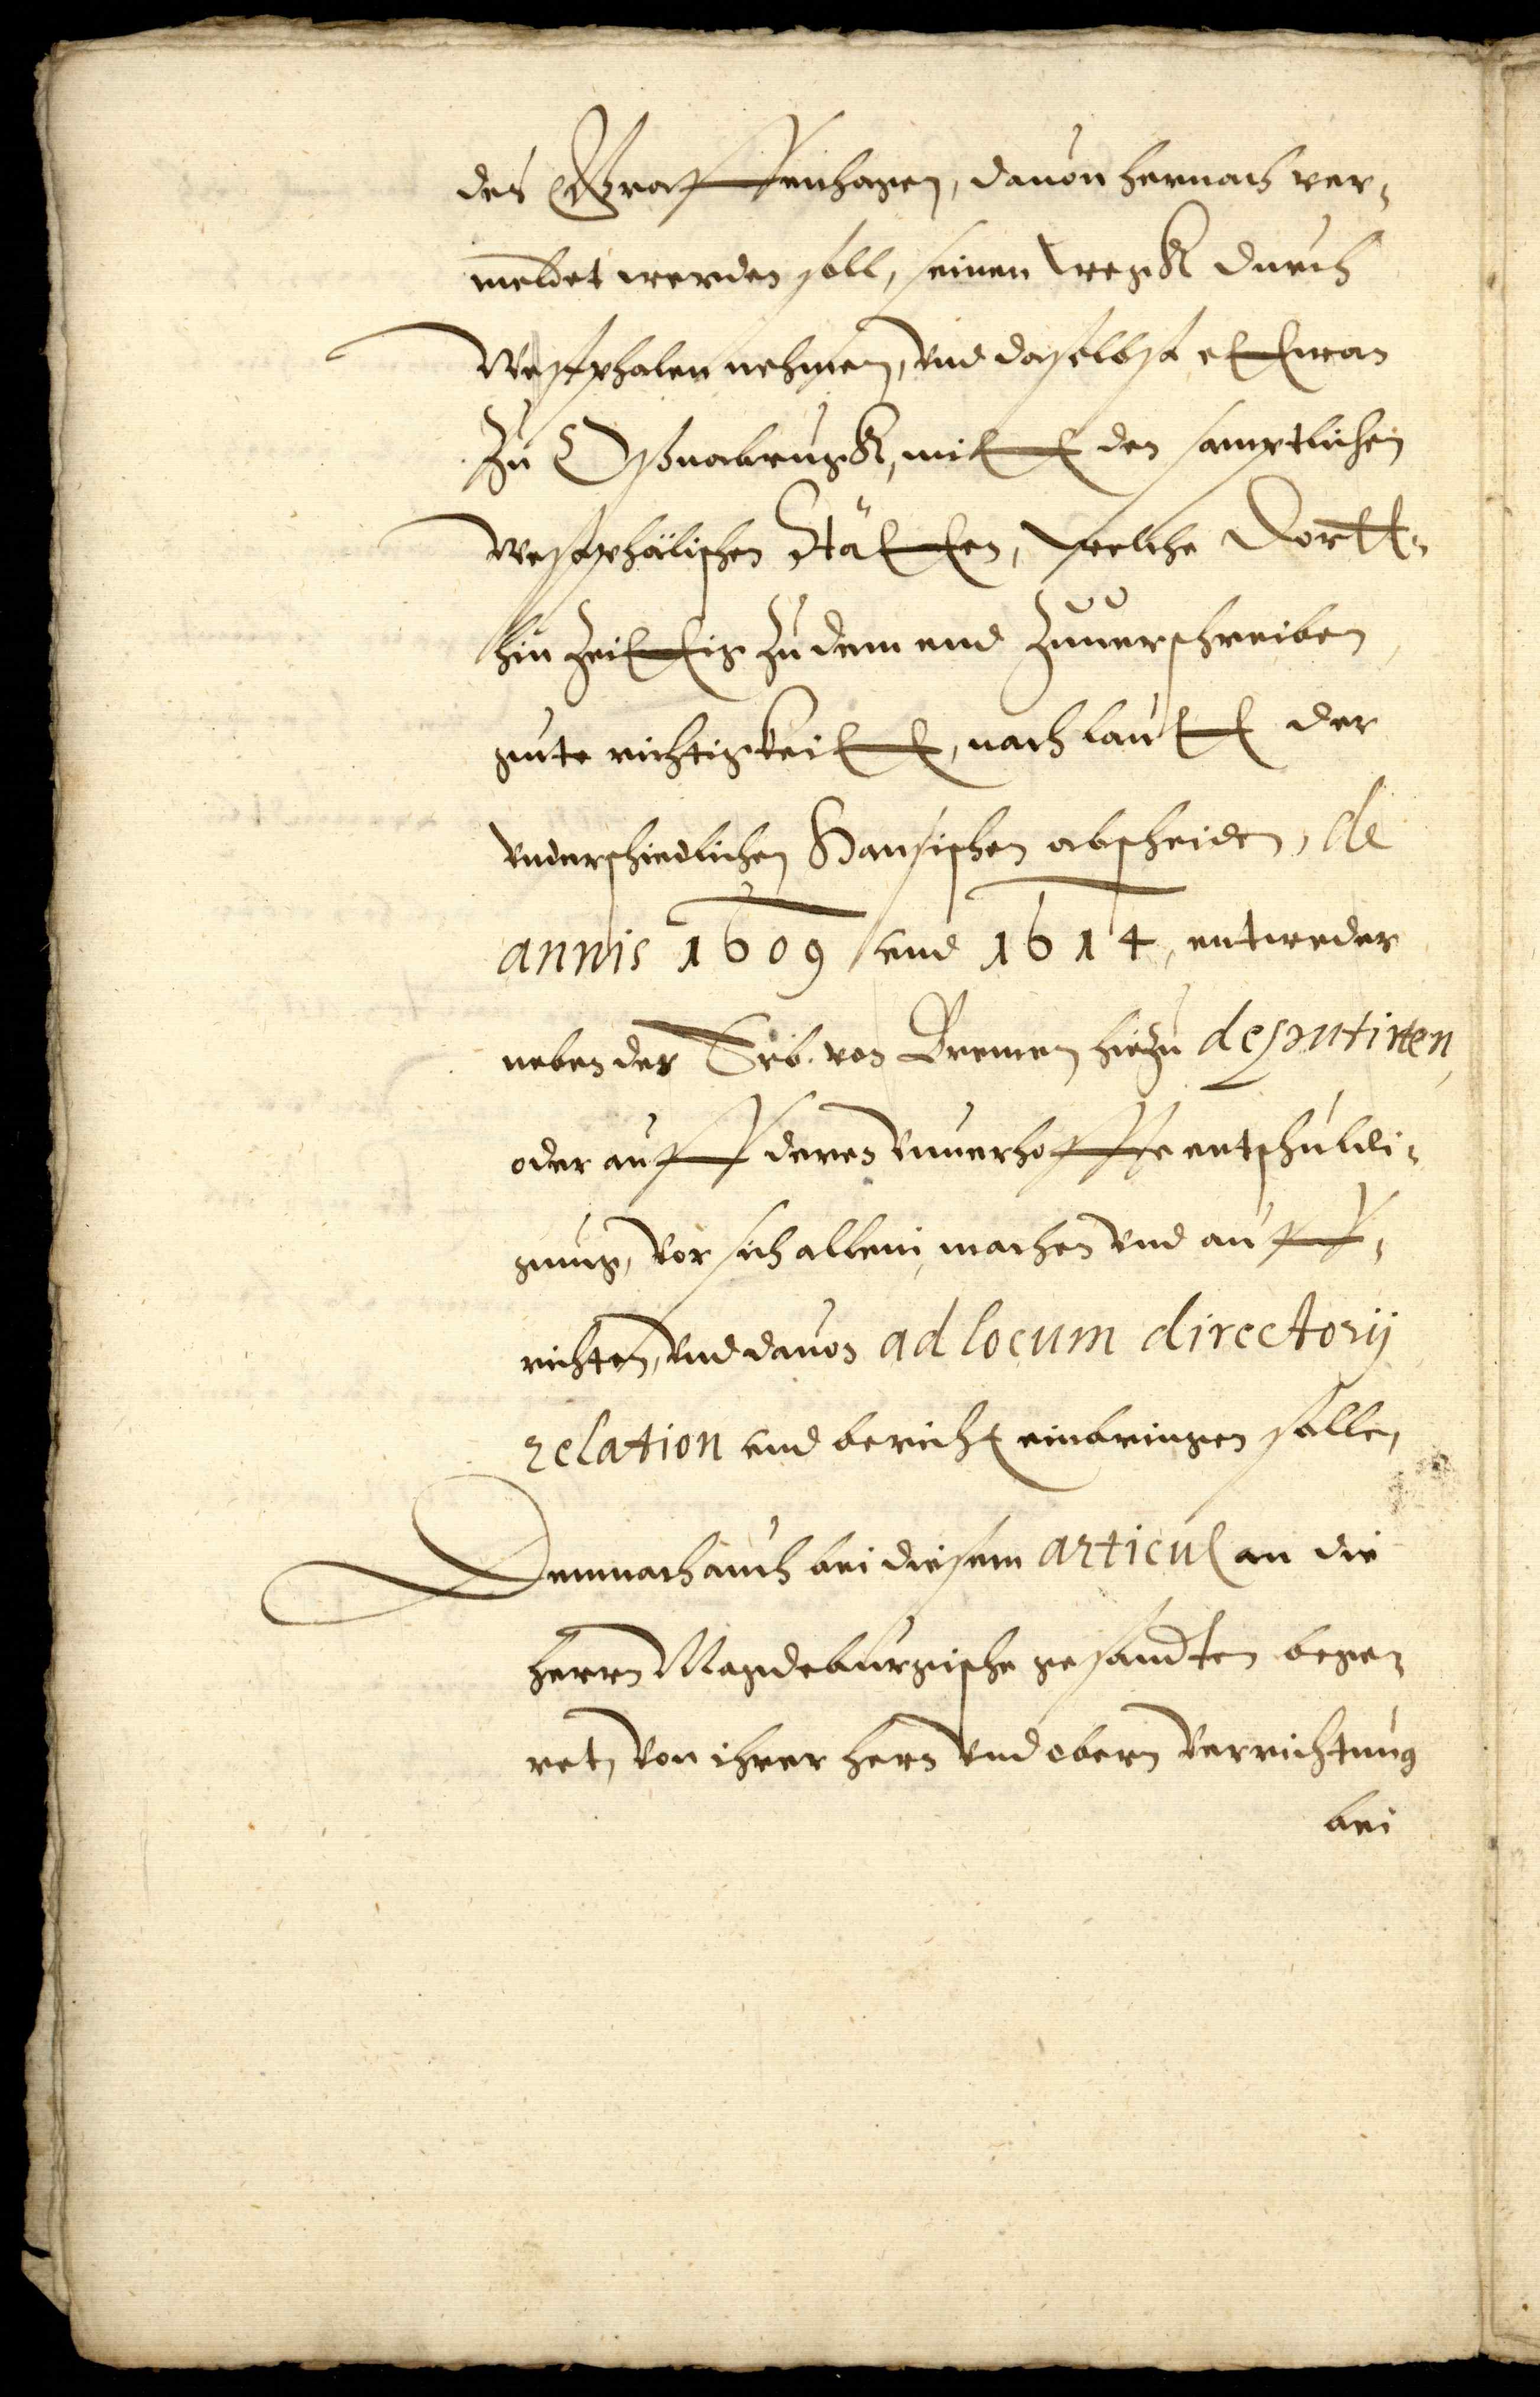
des Graffenhagen, dauon hernach ver¬
meldet werden soll, seinen wegk durch
Westphalen nehmen, vnd daselbst ettwan
zu Oßnabrugk, mitt den samptlichen
Westphälischen Stätten, welche Dortt¬
hinzeittig Zu dem end Zuuerschreiben,
gute richtigkeitt, nach lautt der
vnderschiedlichen Hansischen abscheide, de
annis 1609 vnd 1614, entweder
neben der Erb. von Bremen hiezu deputirten,
oder auff deren Vnuerhoffte entschuldi¬
gung, vor sich allein machen vnd auff¬
richten, vnd dauon ad locum directorij
relation vnd bericht einbringen solle,
Demnach auch bei diesem articul an die
herrn Magdeburgische gesandten bege¬
ret, von ihrer hern Vnd obern Verrichtung
bei
